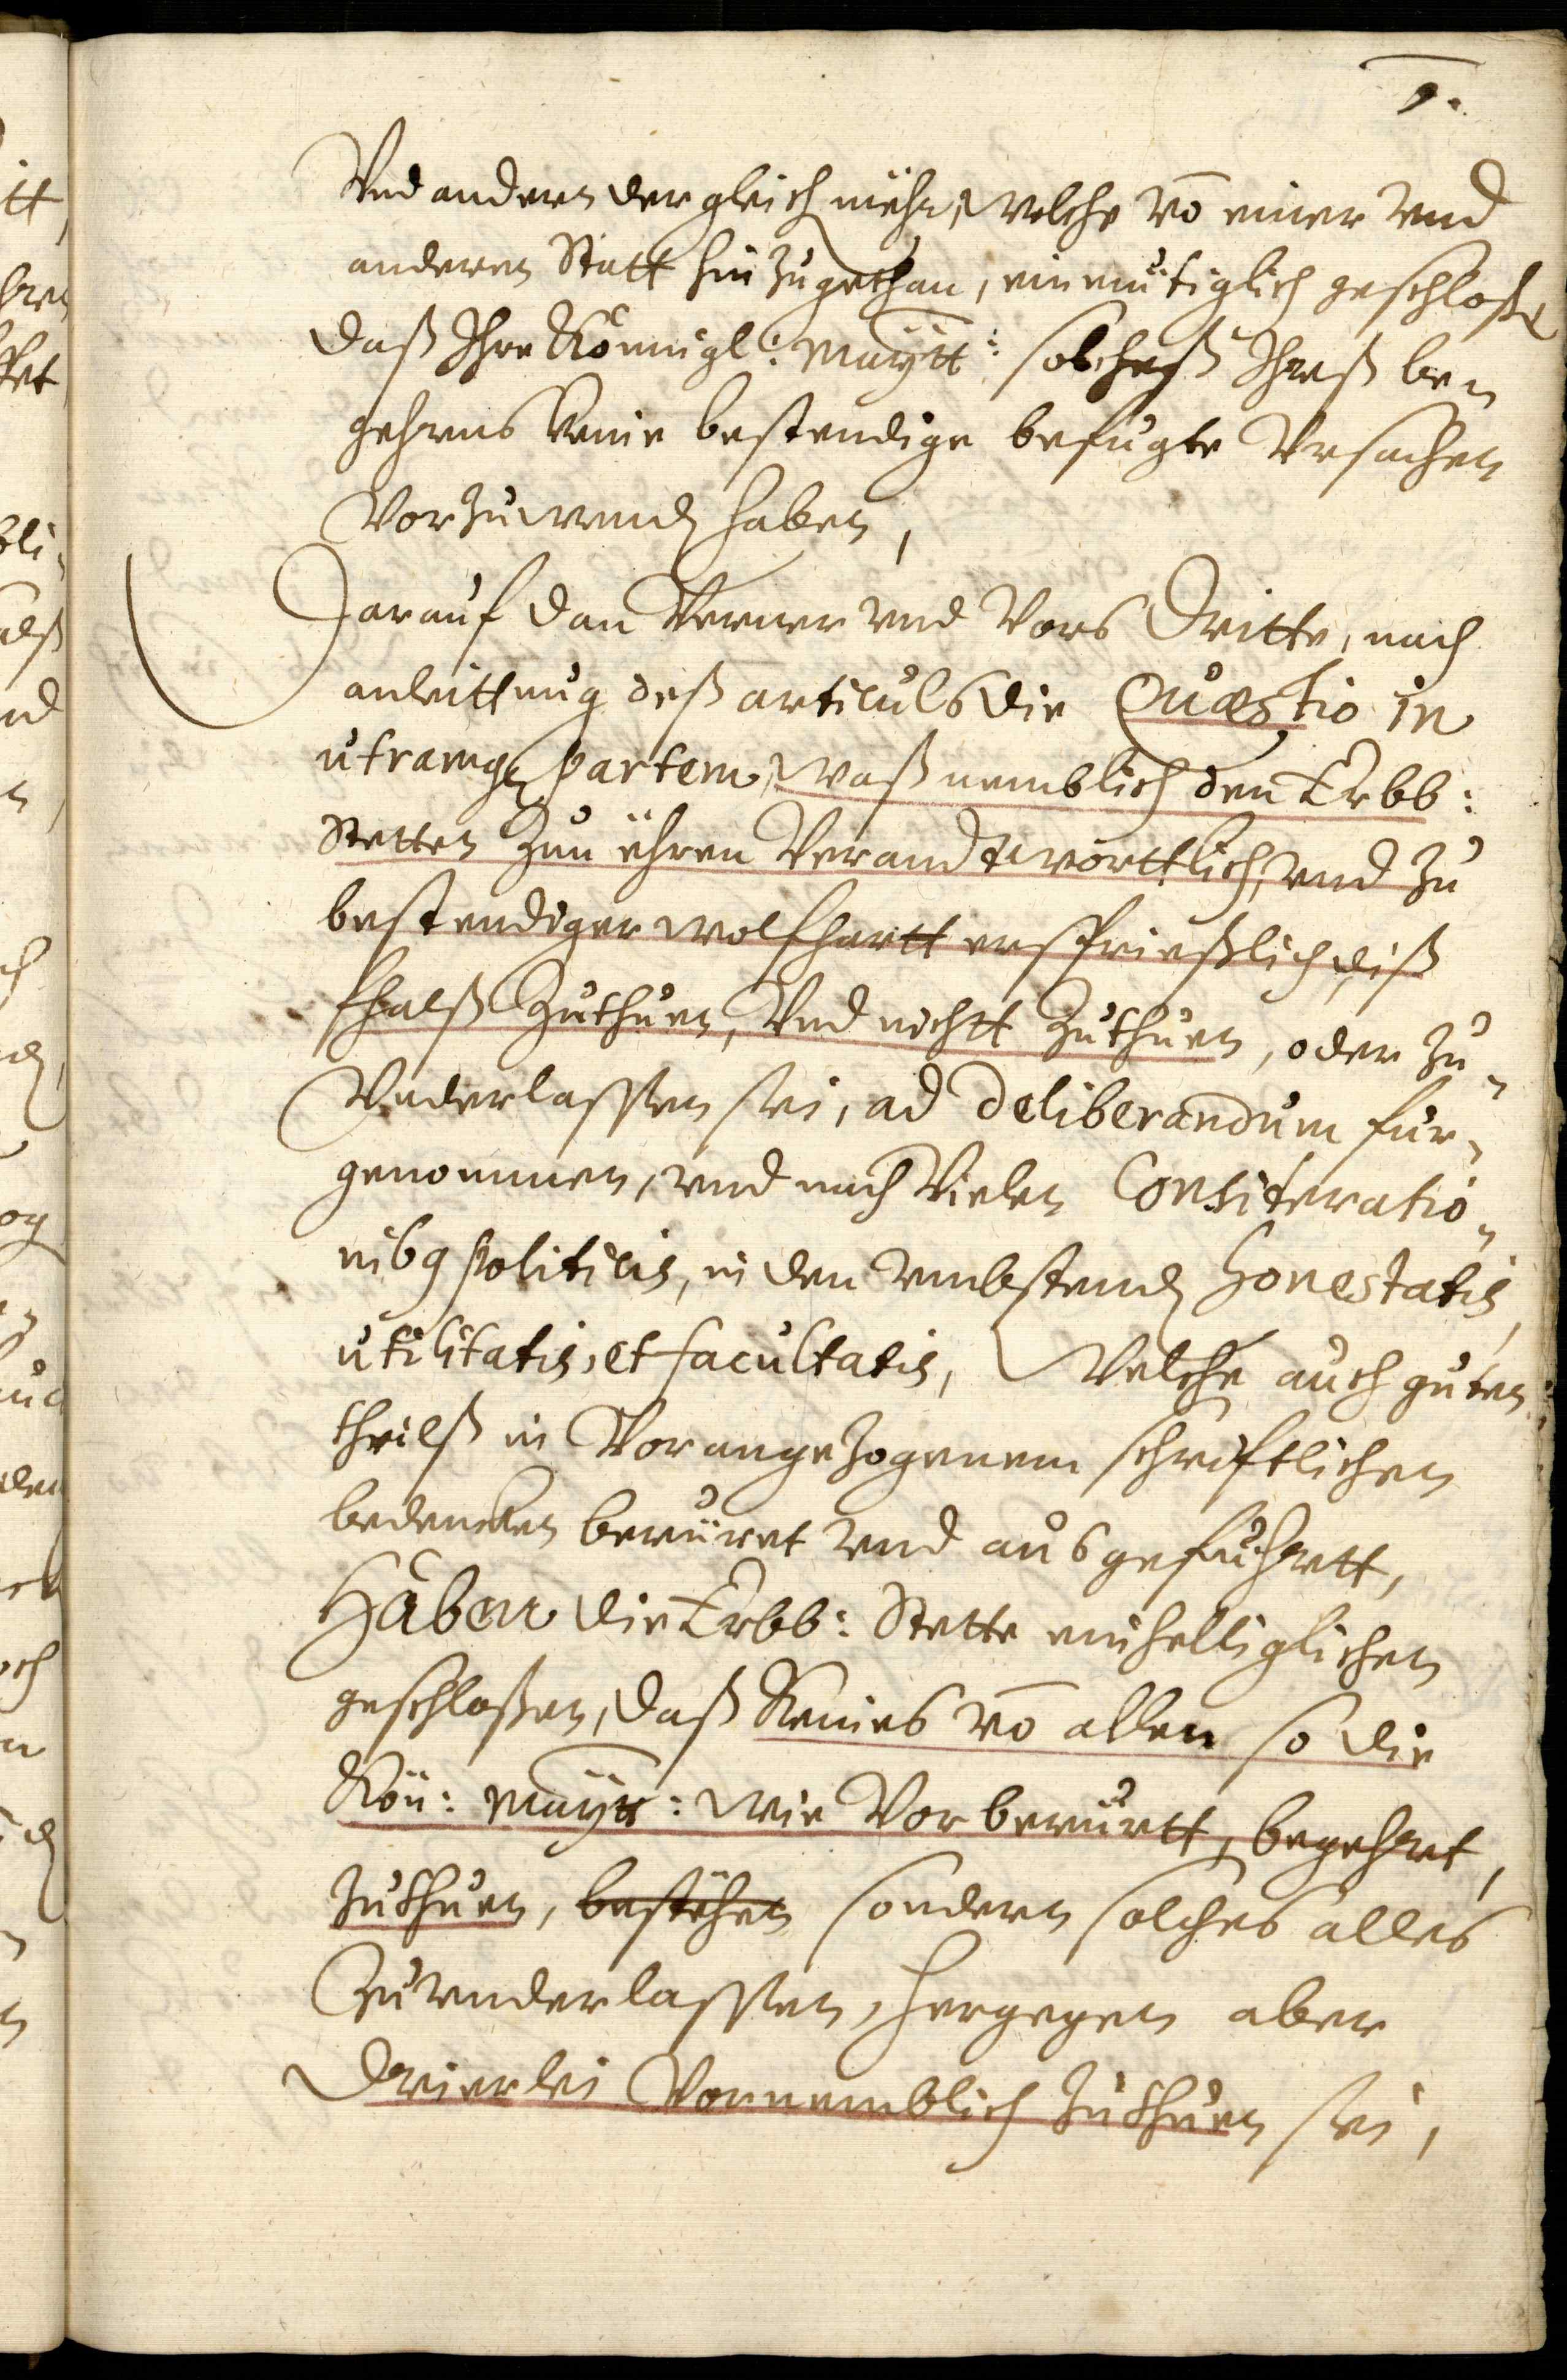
9.
Vnd andern der gleichen mehr, welche von einer vnd
anderen Statt hinzugethan, einmütiglich geschloßen
daß Ihre Könnigl: Maijtt: solcheß Ihreß be¬
gehrens keine bestendige befugte Vrsachen
vorzuwenden haben,
Darauf dan verner vnd vors Dritte, nach
anleittung deß articuls die Quaestio in
utramque partem, waß nemblich den Erbb:
Stetten zuu ehren Verandtworttlich, vnd zu
bestendiger wolfhartt ersprießlich diß
fhalß zuthuen, vnd nichtt zuthuen, oder zu¬
vnderlassen sei, ad deliberandum fur¬
genommen, vnd nach vielen Consideratio¬
nibus politicis, in den vmbstenden honestatis,
utilitatis et facultatis, Welche auch guten
theilß in vorangezogenem schriftlichen
bedencken berüret vnd ausgefuhrett,
Haben die Erbb: Stette einhelliglichen
geschloßen, daß Keines von allen so die
Kön: Maijtt: wie Vorberürtt, begehret,
zuthuen, bestehen, sondern solches alles
Zuvnderlassen, hergegen aber
Dreierlei vornemblich zuthuen sei,
